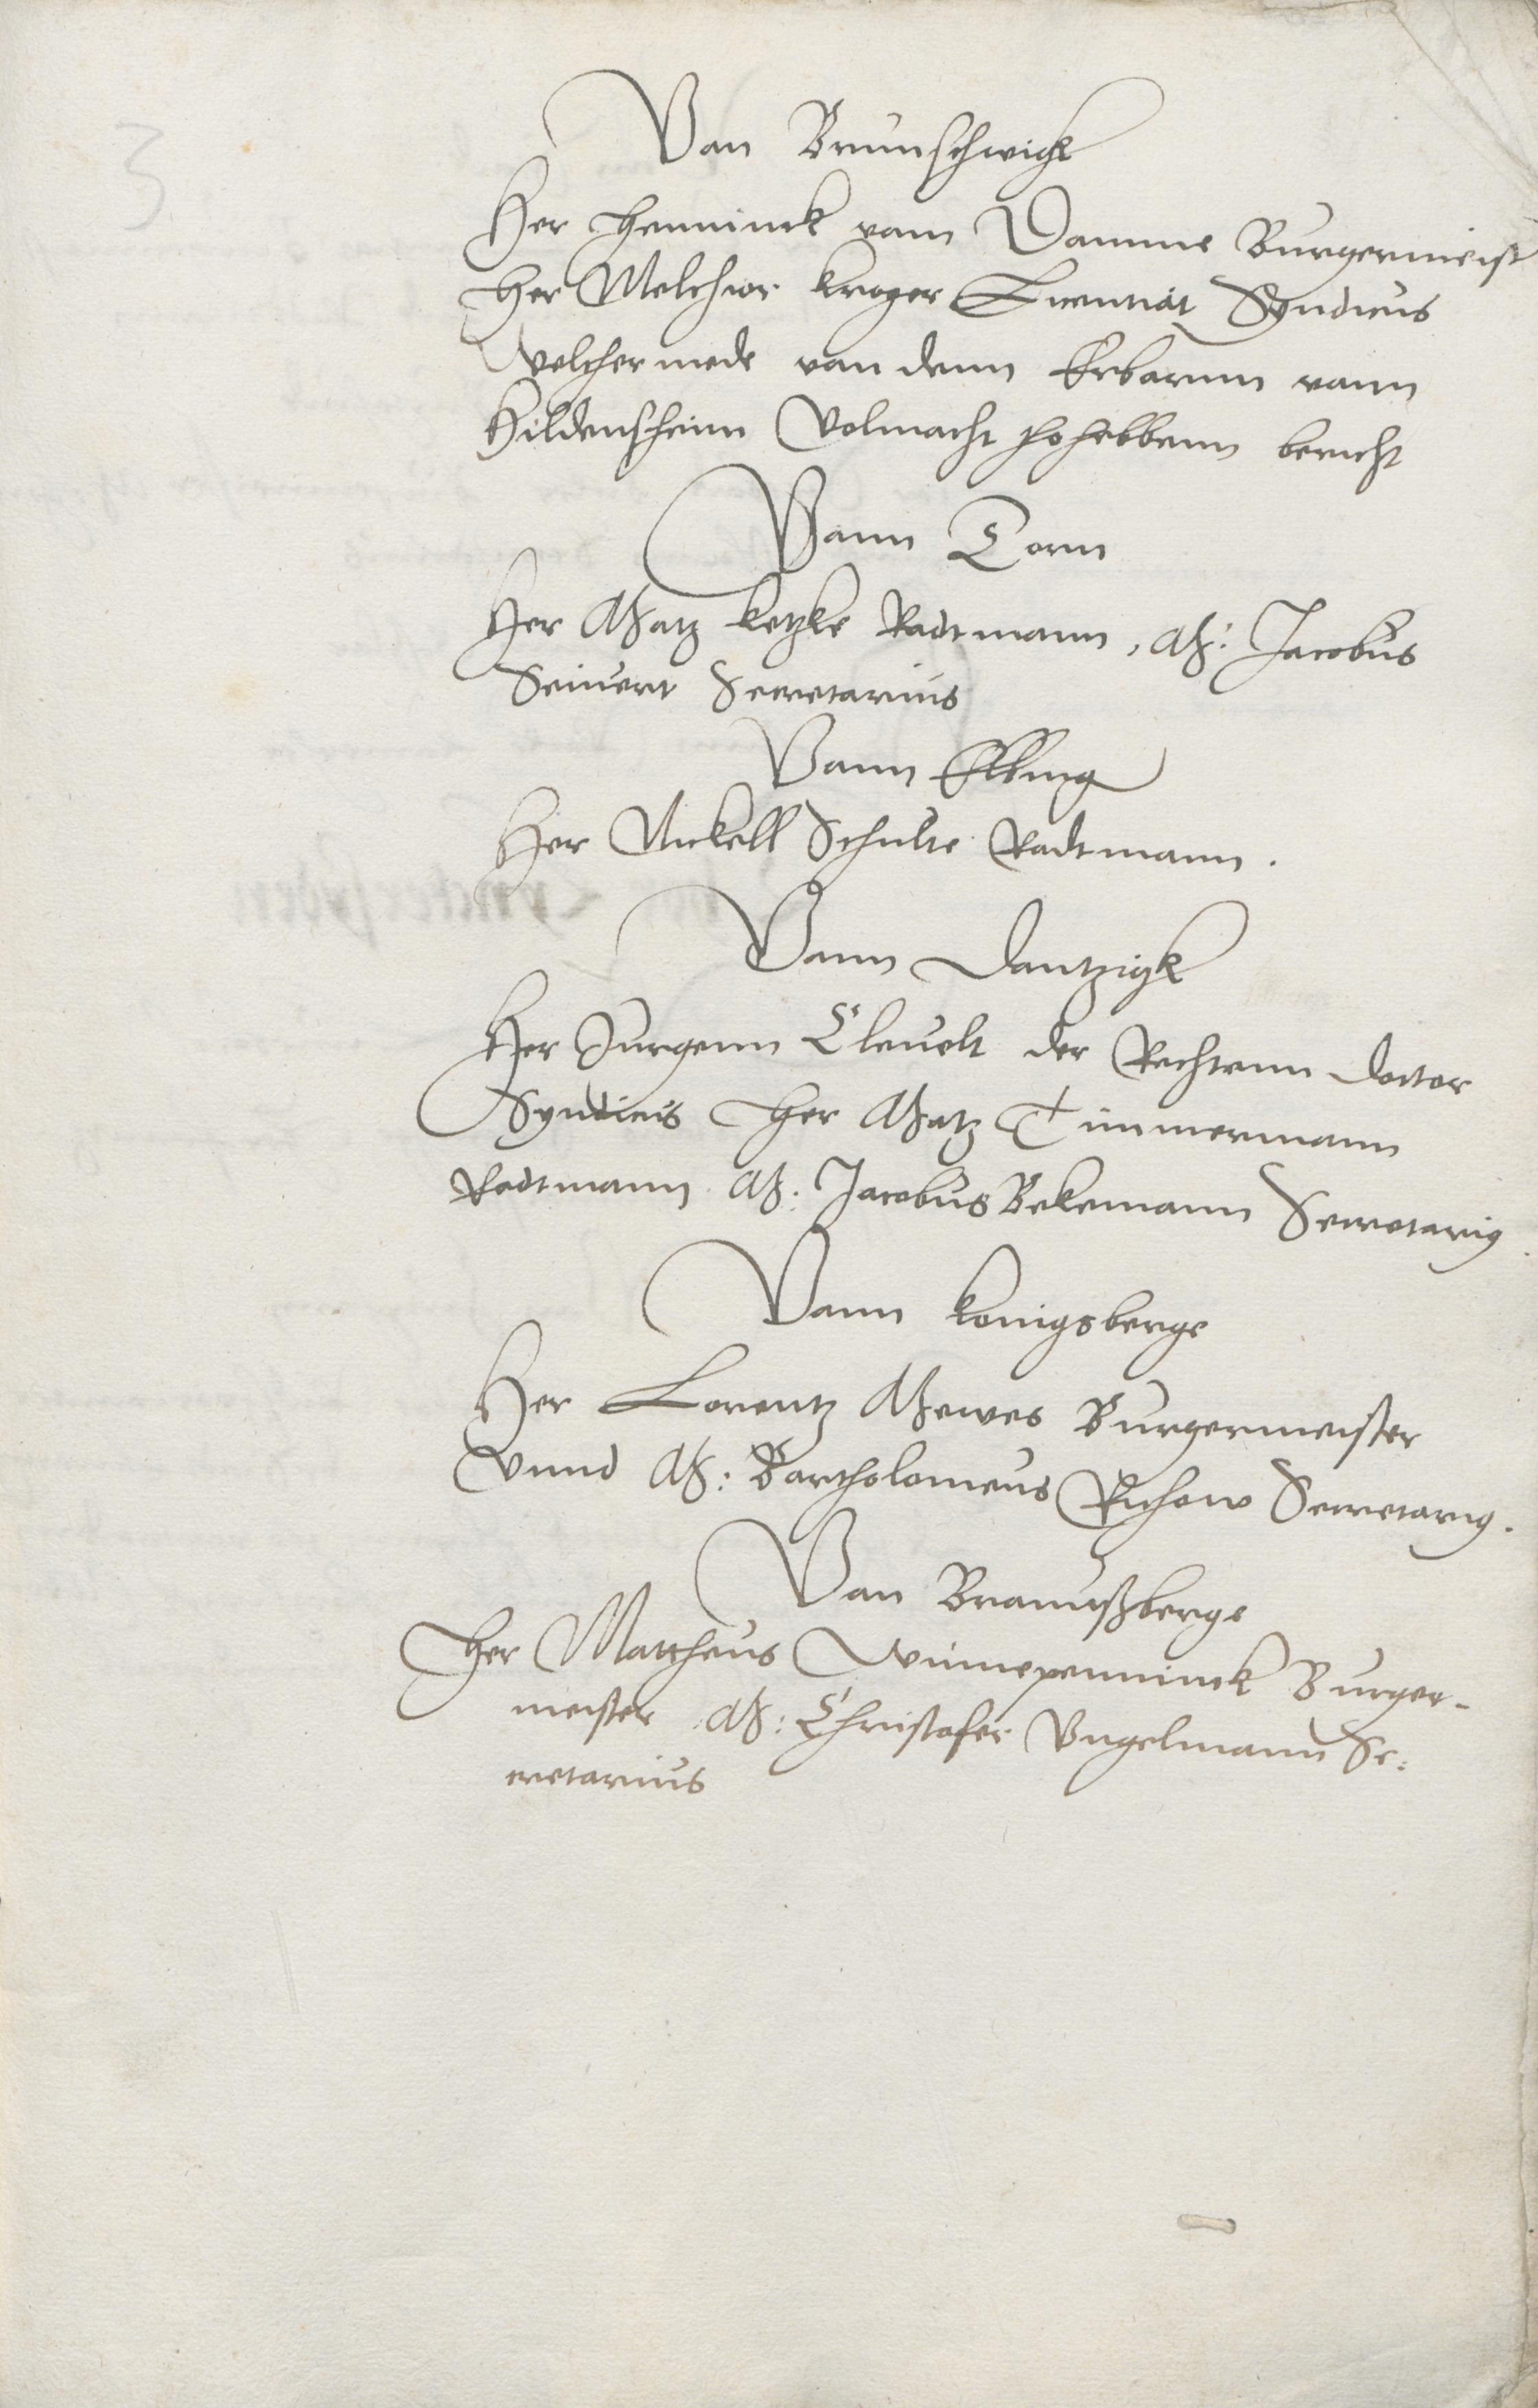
Van Brunschwigk
Her Henninck van Damme Burgermeister
Her Melchior Kroger Licentiat Syndicus
welcher mede van denn Erbarnn vann
Hildensheim Volmacht tho hebbenn bericht
Vann Torn
Her Matz Ketzke Radtmann, M: Jacobus
Seiuert Secretarius
Vann Elbingen
Her Nickell Schulte Radtmann.
Vann Dantzigk
Her Jurgenn Cleuelt der Rechtenn Doctor
Syndicus Her Matz Timmermann
Radtmann M: Jacobus Bekemann Secretarius
Vann Konigsberge
Her Lorentz Mewes Burgermeister
vnnd M: Batholomeus Richow Secretarius
Van Braunßberge
Her Mattheus Winnepenninck Burger¬
meister M: Christofer Vngelmann Se¬
cretarius
